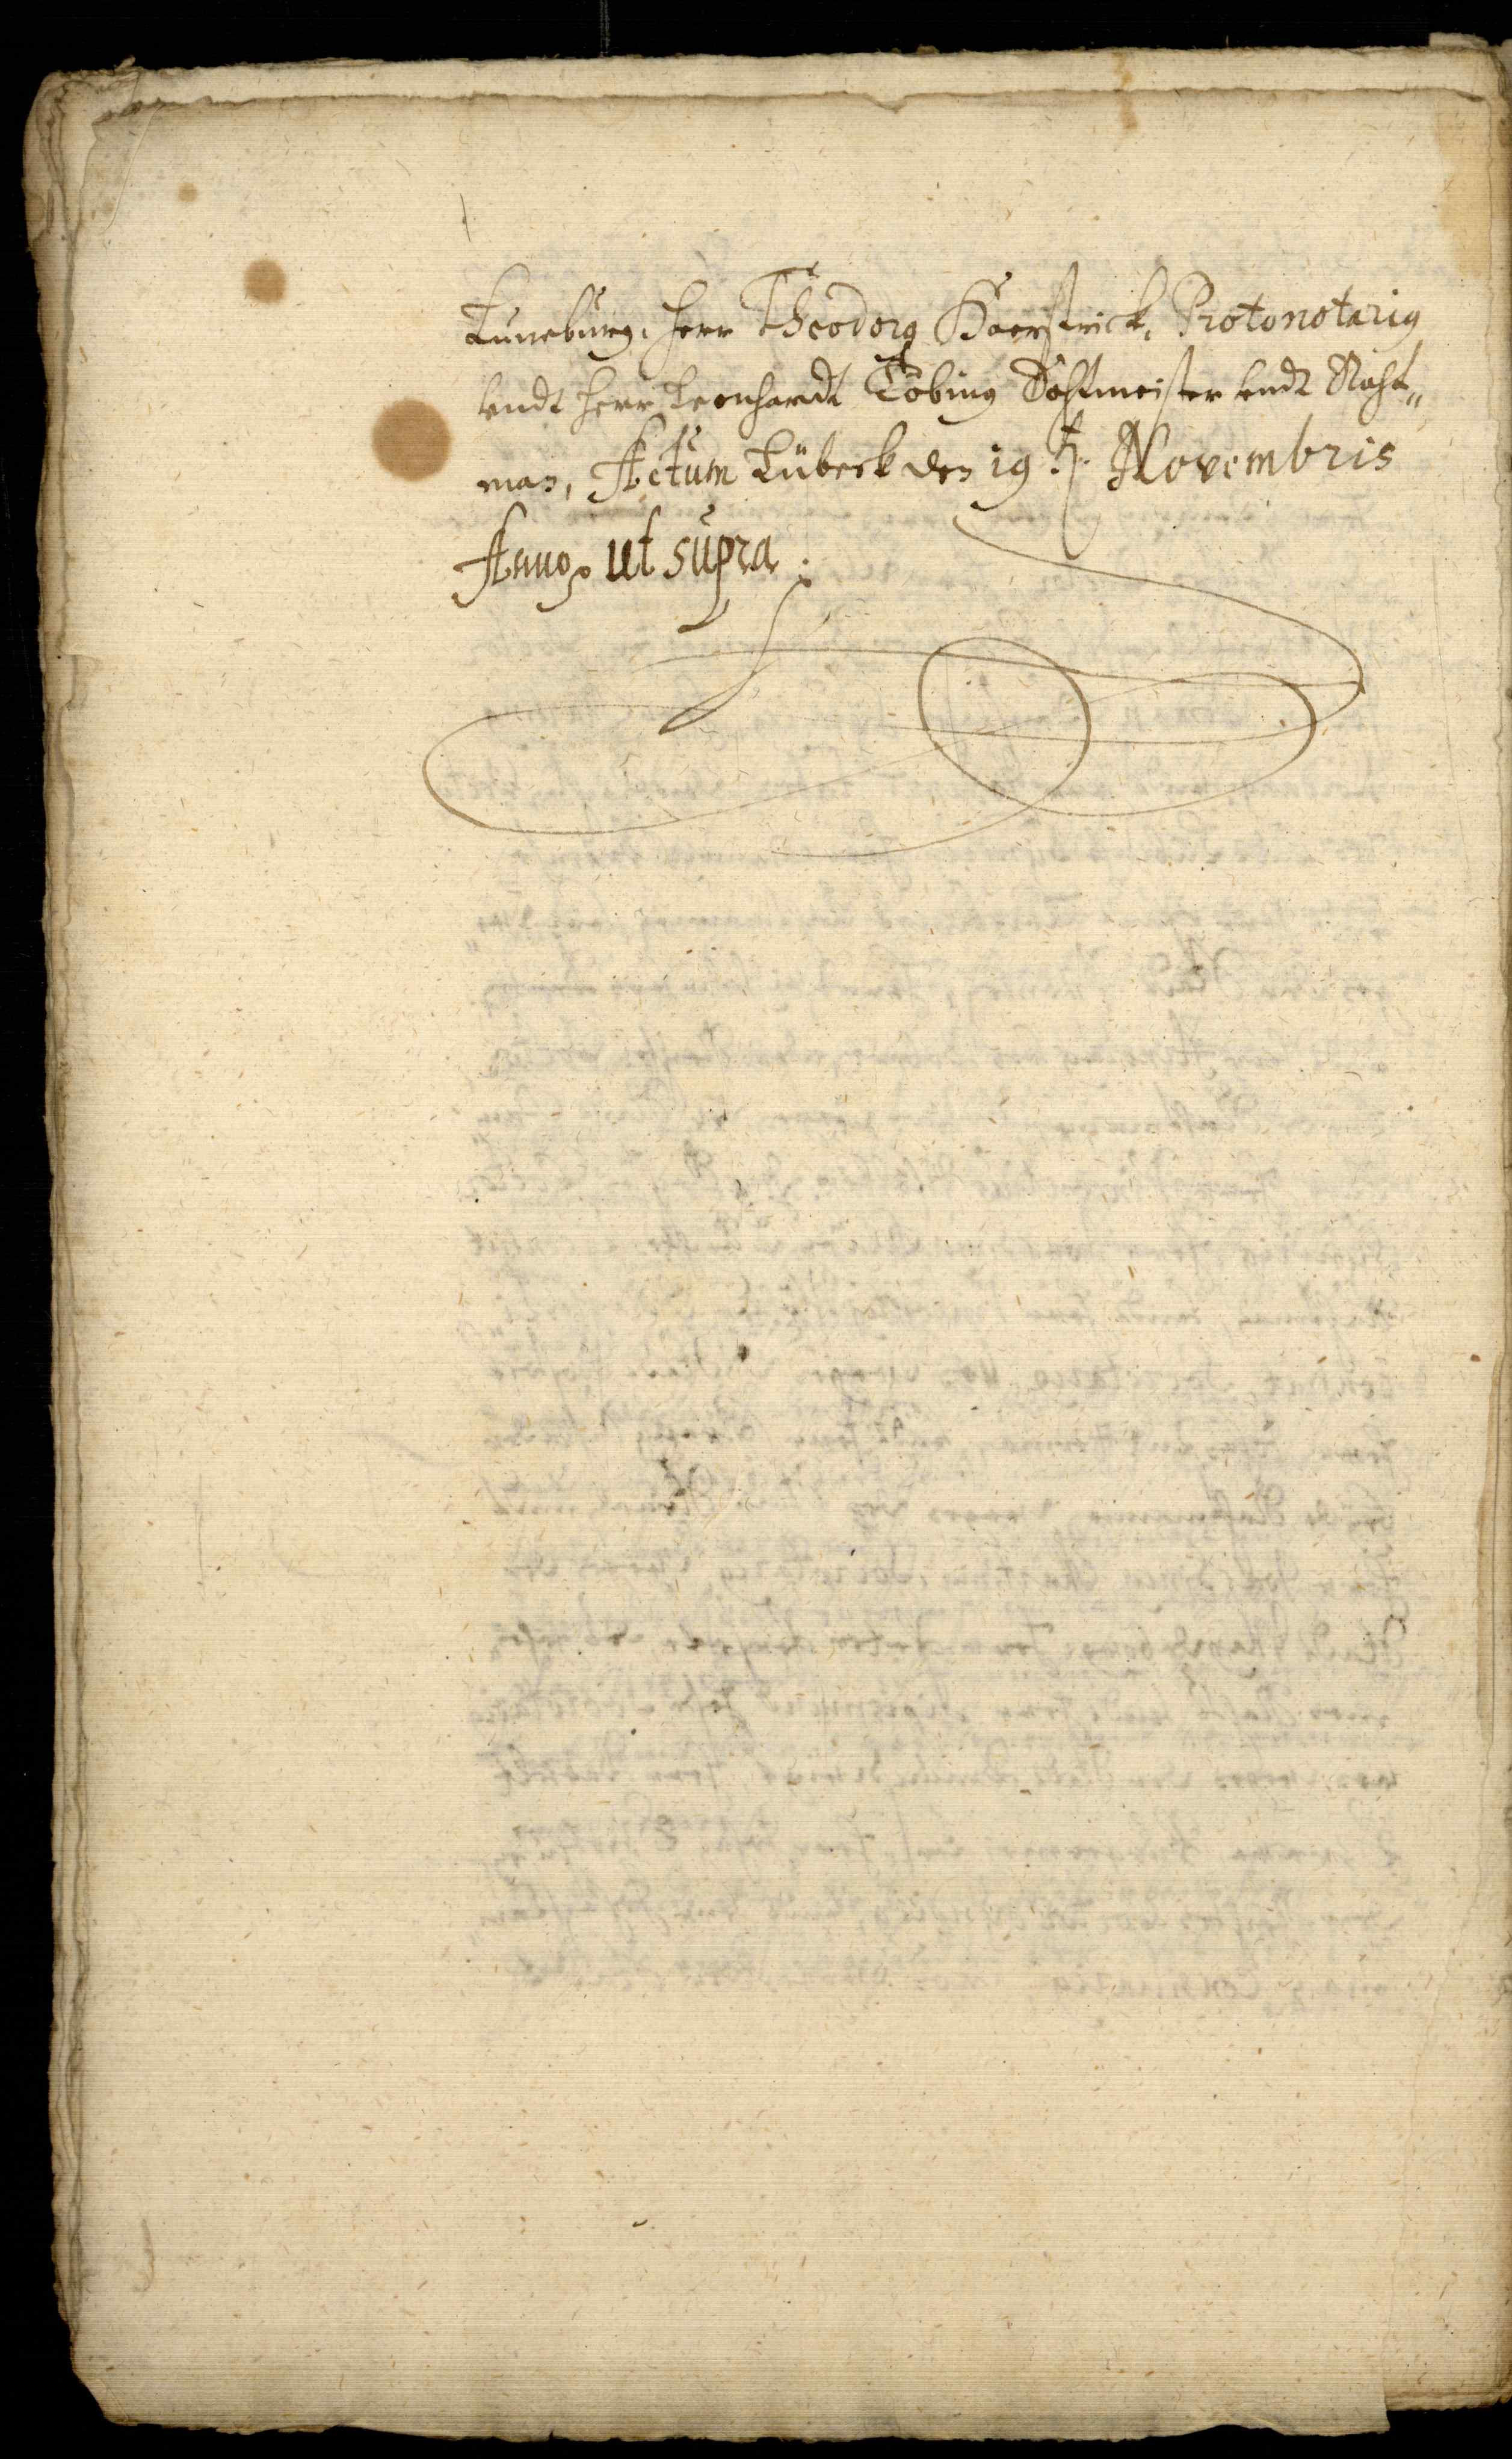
Luneburg, herr Theodorus Hoerstrick, Protonotarius
vndt herr Leonhardt Töbing Sohtmeister vndt Raht¬
man, Actum Lübeck den 19.tn Novembris
Anno p ut supra.
